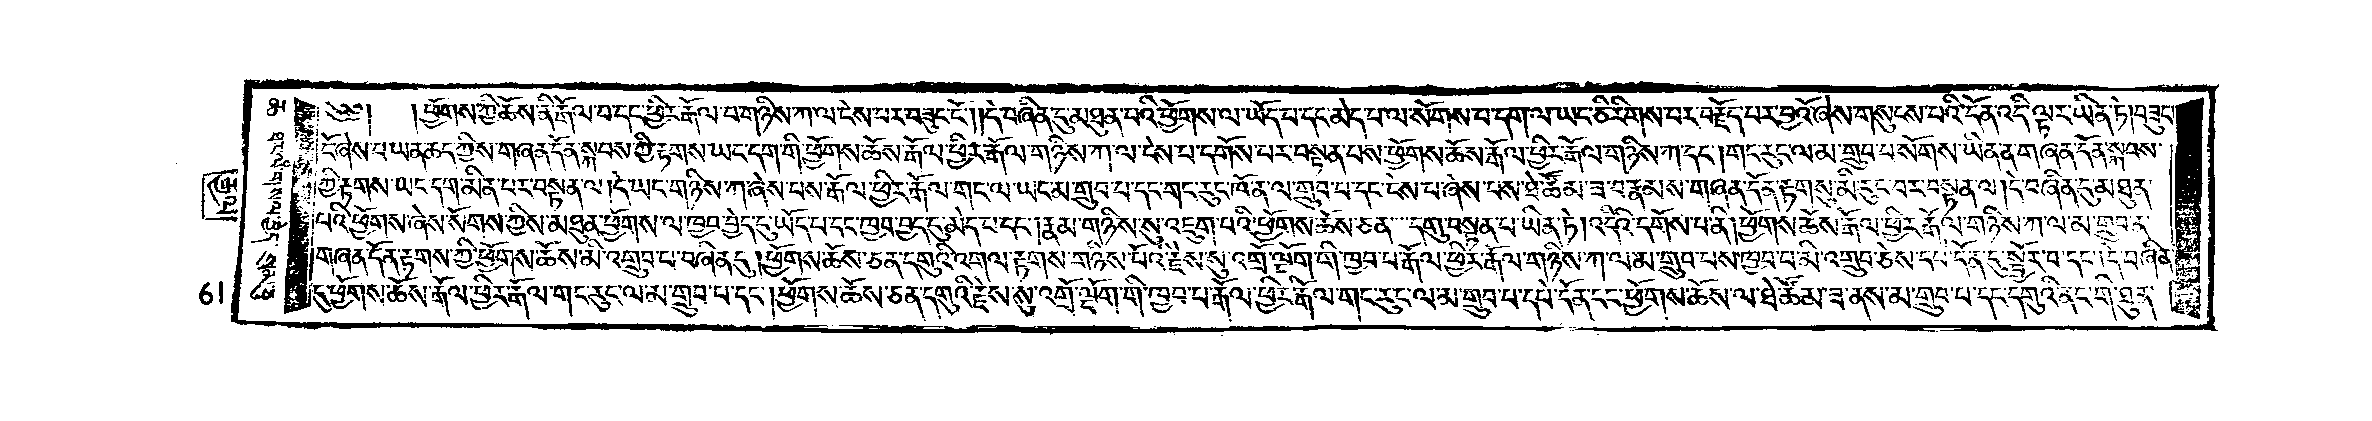༄༅། །ཕྱོགས་ཀྱི་ཆོས་ནི་རྒོལ་བ་དང་ཕྱིར་རྒོལ་བ་གཉིས་ཀ་ལ་ངེས་པར་བཟུང་ངོ། །དེ་བཞིན་དུ་མཐུན་པའི་ཕྱོགས་ལ་ཡོད་པ་དང་མེད་པ་ལ་སོགས་པ་དག་ལ་ཡང་ཅི་རིགས་པར་བརྗོད་པར་བྱའོ་ཞེས་གསུངས་པའི་དོན་འདི་ལྟར་ཡིན་ཏེ། བཟུང་
ངོ་ཞེས་པ་ཡན་ཆད་ཀྱིས་གཞན་དོན་སྐབས་ཀྱི་རྟགས་ཡང་དག་གི་ཕྱོགས་ཆོས་རྒོལ་ཕྱིར་རྒོལ་གཉིས་ཀ་ལ་ངེས་པ་དགོས་པར་བསྟན་པས་ཕྱོགས་ཆོས་རྒོལ་ཕྱིར་རྒོལ་གཉིས་ཀ་དང་། གང་རུང་ལ་མ་གྲུབ་པ་སོགས་ཡིན་ན་གཞན་དོན་སྐབས་
ཀྱི་རྟགས་ཡང་དག་མིན་པར་བསྟན་ལ། དེ་ཡང་གཉིས་ཀ་ཞེས་པས་རྒོལ་ཕྱིར་རྒོལ་གང་ལ་ཡང་མ་གྲུབ་པ་དང་གང་རུང་ཁོ་ན་ལ་གྲུབ་པ་དང་ངེས་པ་ཞེས་པས་ཐེ་ཚོམ་ཟ་བ་རྣམས་གཞན་དོན་རྟགས་སུ་མི་རུང་བར་བསྟན་ལ། དེ་བཞིན་དུ་མཐུན་
པའི་ཕྱོགས་ཞེས་སོགས་ཀྱིས་མཐུན་ཕྱོགས་ལ་ཁྱབ་བྱེད་དུ་ཡོད་པ་དང་ཁྱབ་བྱེད་དུ་མེད་པ་དང་། རྣམ་གཉིས་སུ་འཇུག་པའི་ཕྱོགས་ཆོས་ཅན་དགུ་བསྟན་པ་ཡིན་ཏེ། འདིའི་དགོས་པ་ནི། ཕྱོགས་ཆོས་རྒོལ་ཕྱིར་རྒོལ་གཉིས་ཀ་ལ་མ་གྲུབ་ན་
གཞན་དོན་རྟགས་ཀྱི་ཕྱོགས་ཆོས་མི་འགྲུབ་པ་བཞིན་དུ། ཕྱོགས་ཆོས་ཅན་དགུའི་འགལ་རྟགས་གཉིས་པོའི་རྗེས་སུ་འགྲོ་ལྡོག་གི་ཁྱབ་པ་རྒོལ་ཕྱིར་རྒོལ་གཉིས་ཀ་ལ་མ་གྲུབ་པས་ཁྱབ་པ་མི་འགྲུབ་ཅེས་དཔེ་དོན་དུ་སྦྱོར་བ་དང་། དེ་བཞིན་
དུ་ཕྱོགས་ཆོས་རྒོལ་ཕྱིར་རྒོལ་གང་རུང་ལ་མ་གྲུབ་པ་དང་། ཕྱོགས་ཆོས་ཅན་དགུའི་རྗེས་སུ་འགྲོ་ལྡོག་གི་ཁྱབ་པ་རྒོལ་ཕྱིར་རྒོལ་གང་རུང་ལ་མ་གྲུབ་པ་དཔེ་དོན་དང་ཕྱོགས་ཆོས་ལ་ཐེ་ཚོམ་ཟ་ནས་མ་གྲུབ་པ་དང་དགུའི་ནང་གི་ཐུན་